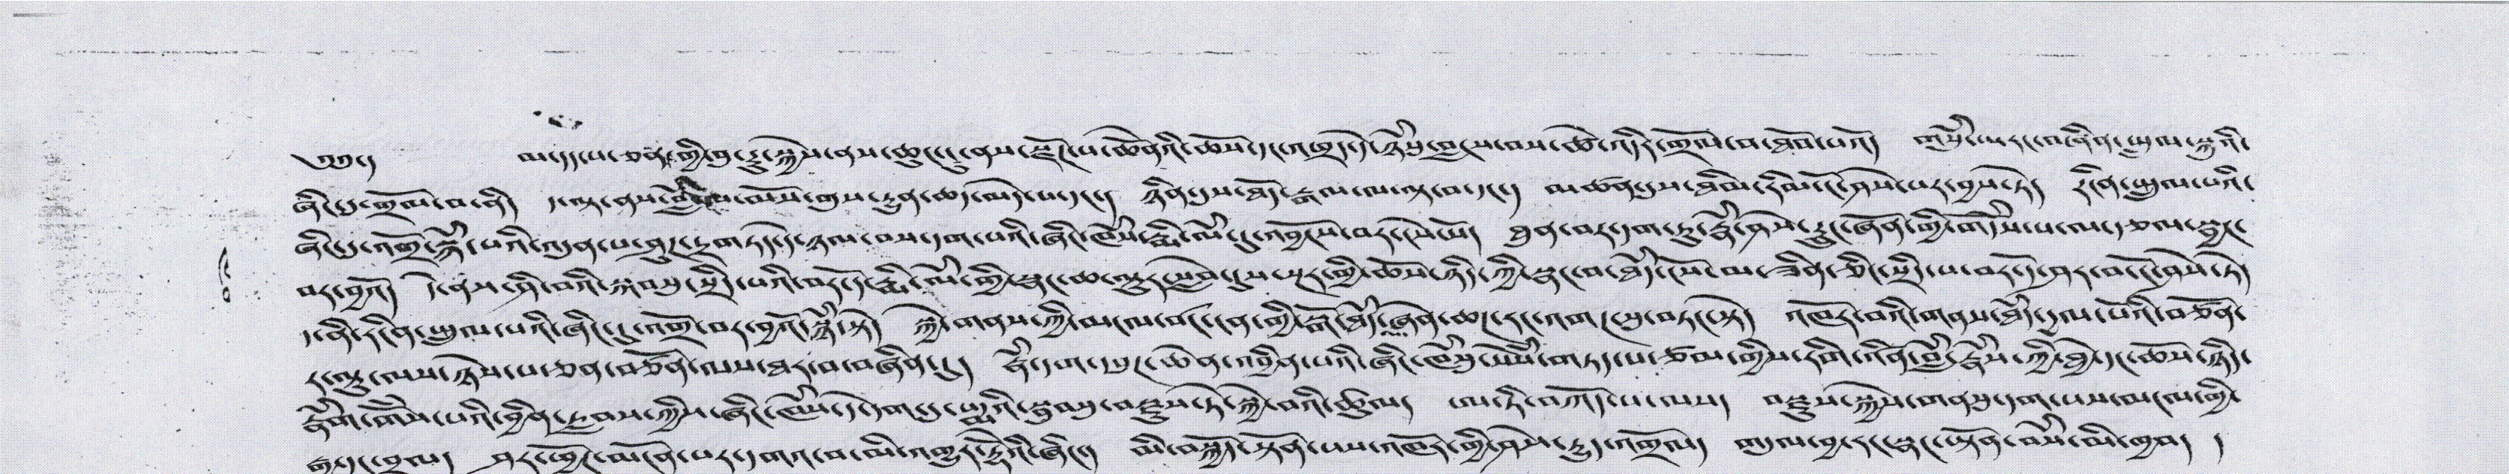མ་དད་པ་ཅན་གྱི་བུ་རུ་སྐྱེས་ནས་ཆུང་ངུ་ནས་རྫོགས་པ་ཆེན་པོའི་ཆོས་དང་འཕྲད་དེ་ཉམས་སུ་བླངས་པས་ཚེ་འདིར་གྲོལ་བ་ཐོབ་པའོ། གསུམ་པ་རང་བཞིན་སྤྲུལ་སྐུའི་
ཞིང་དུ་གྲོལ་བ་ནི། ད་ལྟ་ནས་བླ་མ་མོས་གུས་རྒྱུན་ཆད་མེད་པ་དང། ཉིན་དུས་ཐོད་རྒལ་ལ་ལྟ་བ་དང། མཚན་དུས་ཐིམ་རིམ་ངོ་ཤེས་པར་བྱས་ཏེ། རང་བཞིན་སྤྲུལ་པའི་
ཞིང་དུ་འགྲོ་སྙམ་པའི་འདུན་པ་ཤུགས་དྲག་གཏད་དེ་ཉལ་བས་དག་པའི་ཞིང་ཁམས་རྨི་ལམ་དུ་འབྱོངས་བར་ངེས་སོ། ཐུན་བར་དག་ཏུ་རྣམ་ཤེས་རླུང་ཞོན་གྱི་གདམས་པ་ལ་རྩལ་སྦྱང་
བར་བྱའོ། དེ་ནས་ཤི་བའི་སྐབས་སུ་སྲིད་པའི་བར་དོ་རྨི་ལམ་གྱི་སྣང་ཆ་ལྟ་བུར་སླེབ་དུས་སྔར་གྱི་ཆོས་ཉིད་ཀྱི་སྣང་བ་ཐམས་ཅད་ངོས་མ་ཟིན་ཅིང་སྲིད་པ་བར་དོ་ཤར་བ་ངོ་ཤེས་ཏེ། 
ད་ནི་རང་བཞིན་སྤྲུལ་པའི་ཞིང་དུ་འགྲོ་བར་བྱའོ་སྙམ་སྟེ། སྐྱེ་གནས་ཀྱི་མངལ་བཟང་ངན་གྱི་སྒོ་ཐམས་ཅད་ལ་ཞེན་ཆགས་རང་འགགས་སུ་བཏང་སྟེ། འཁོར་བའི་གནས་ཐམས་ཅད་རྒྱལ་པོའི་བཙོན་
ར་ལྟ་བུ་ལས་ཉེས་པ་ཅན་བཙོན་ལས་ཐར་བ་བཞིན་དུ།རྣམ་དག་དབུགས་ཆེན་འབྱིན་པའི་ཞིང་ཁམས་སུ་སེམས་གཏད་པ་ཙམ་གྱིས་རིག་འཛིན་བླ་རྣམས་ཀྱི་ཐུགས་རྗེ་དང་ཆོས་ཉིད་
རྣམ་དག་གོམས་པའི་བྱིན་རླབས་ཀྱིས་ཞིང་ཁམས་དེ་དག་དུ་པདྨའི་སྦུབས་སུ་བརྫུས་ཏེ་སྐྱེ་བའི་ཚུལ། ཨ་ཏི་བཀོད་པ་ལས། བརྫུས་སྐྱེས་གནས་སུ་དག་པས་མངལ་གྱི་
རྒྱུ་དང་བྲལ། ཤར་ཕྱོགས་མངོན་པར་དགའ་བ་མི་འགྱུར་རྡོ་རྗེའི་ཞིང། མི་བསྐྱོད་སྟོན་པས་འཁོར་གྱི་ཤེས་རྒྱུད་འགྲོལ། གདུལ་བྱ་རང་སྣང་ཡོན་ཏན་བསམ་མི་ཁྱབ།